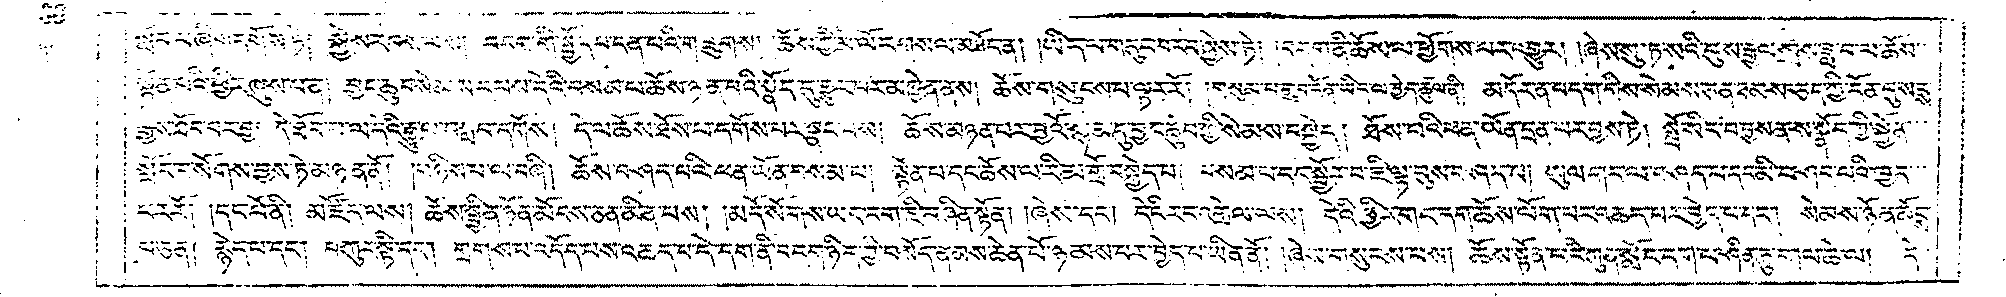སློབ་པ་ཞིག་དགོས་ཏེ། སྐྱེས་རབས་ལས། བདག་གི་སྤྱོད་པ་ངན་པའི་གཟུགས། །ཆོས་ཀྱི་མེ་ལོང་གསལ་མཐོང་ན། །ཡིད་ལ་གདུང་བར་བསྐྱེས་ཏེ། །བདག་ནི་ཆོས་ལ་ཕྱོགས་པར་འགྱུར། །ཞེས་སུ་ཏ་སའི་བུས་རྒྱལ་སྲས་ཟླ་བ་ལ་ཆོས་
སྟོན་པའི་ཕྱིར་ཞུས་པ་ན། བྱང་ཆུབ་སེམས་དཔས་དེའི་བསམ་པ་ཆོས་ཉན་པའི་སྣོད་དུ་གྱུར་པར་མཁྱེན་ནས། ཆོས་གསུངས་པ་ལྟར་རོ། ། གསུམ་པ་གྲུབ་དོན་ཡིད་ལ་བྱེད་ཚུལ་ནི། མདོར་ན་བདག་གིས་སེམས་ཅན་ཐམས་ཅད་ཀྱི་དོན་དུ་སངས་
རྒྱས་ཐོབ་པར་བྱ། དེ་ཐོབ་པ་ལ་དེའི་རྒྱུ་ལ་བསླབ་དགོས། དེ་ལ་ཆོས་ཐོས་པ་དགོས་པར་སྣང་བས། ཆོས་མཉན་པར་བྱའོ་སྙམ་དུ་བྱང་ཆུབ་ཀྱི་སེམས་བསྐྱེད། ཐོས་པའི་ཕན་ཡོན་དྲན་པར་བྱས་ཏེ། སྤྲོ་སིང་བ་བྱས་ནས་སྣོད་ཀྱི་སྐྱོན་
སྤོང་བ་སོགས་བྱས་ཏེ་མཉན་ནོ། །གཉིས་པ་ལ་བཞི། ཆོས་བཤད་པའི་ཕན་ཡོན་བསམ་པ། སྟོན་པ་དང་ཆོས་ལ་རིམ་གྲོ་བསྐྱེད་པ། བསམ་པ་དང་སྦྱོར་བ་ཇི་ལྟ་བུས་བཤད་པ། ཡུལ་གང་ལ་བཤད་པ་དང་མི་བཤད་པའི་ཁྱད་
པར་རོ། །དང་པོ་ནི། མཛོད་ལས། ཆོས་སྦྱིན་ཉོན་མོངས་ཅན་མིན་པས། །མདོ་སོགས་ཡང་དག་ཇི་བཞིན་སྟོན། །ཞེས་དང་། དེའི་རང་འགྲེལ་ལས། དེའི་ཕྱིར་གང་དག་ཆོས་ལོག་པར་འཆད་པར་བྱེད་པ་དང་། སེམས་ཉོན་མོངས་
པ་ཅན། རྙེད་པ་དང་། བཀུར་སྟི་དང་། གྲགས་པ་འདོད་པས་འཆད་པ་དེ་དག་ནི་བདག་ཉིད་ཀྱི་བསོད་ནམས་ཆེན་པོ་ཉམས་པར་བྱེད་པ་ཡིན་ནོ། །ཞེས་གསུངས་པས། ཆོས་སྟོན་པའི་ཀུན་སློང་དག་པ་ཤིན་ཏུ་གལ་ཆེ་ལ། དེ་